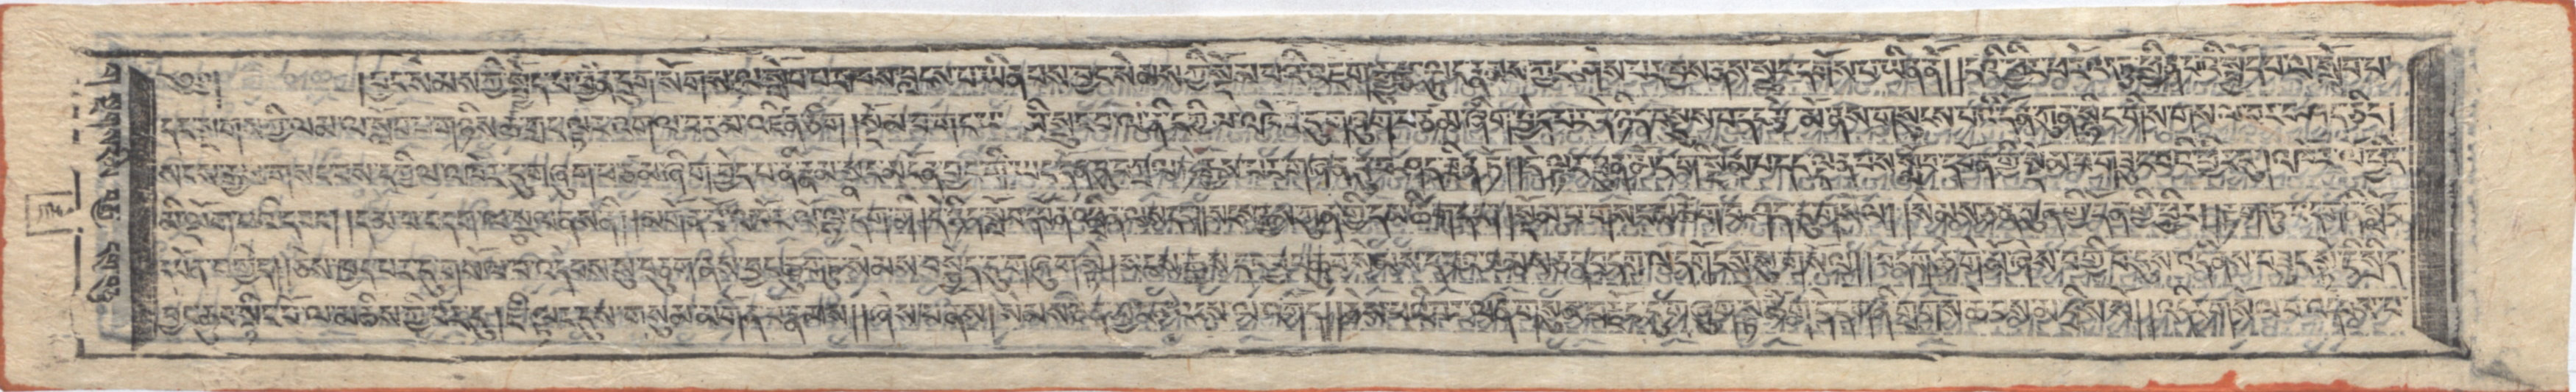༄༅། །བྱང་སེམས་ཀྱི་སྤྱོད་པ་ཕྱིན་དྲུག་སོགས་ལ་སློབ་ཕར་ཁས་བླངས་པ་ཡིན་པས་བྱང་སེམས་ཀྱི་སྡོམ་པའི་འཇིག་རྒྱུ་རྩ་ལྟུང་རྣམས་ཀྱང་ཤེས་པར་བྱས་ནས་རུང་དགོས་པ་ཡིན་ནོ། །དེའི་ཕིར་ཕ་རོལ་ཏུ་ཕྱིར་ཕ་རོལ་ཏུ་ཕྱིན་པའི་སྤྱོད་པ་ལ་སློབ་པ་
དང་སྔགས་ཀྱི་ལམ་ལ་སློབ་པ་གཉིས་ཚ་གྲང་ལྟར་འགལ་བར་མ་འཛིན་ཅིག། སྡོམ་པ་གང་ཡང་མི་སྲུང་བ་ལ་ནི་དཀྱིལ་འཁོར་དུ་གཞུག་པ་ཙམ་ཞིག་བྱེད་པར་དེ་ཉིད་བསྡུས་པ་དང་རྩེ་མོ་ནས་གསུངས་པའི་དོན་ཀུན་སྙིང་གིས་གསལ་བར་བཤད་ཅིང་།
སངས་རྒྱས་གསང་བས་དཀྱིལ་འཁོར་དུ་གཞུག་པ་ཙམ་ཞིག་བྱེད་པ་ནི་རྣམ་སྣང་མངོན་བྱང་གི་ཡང་དོན་དུ་བཀྲལ་ཏེ་རྒྱས་པར་གཞན་དུ་བཤད་ཟིན་ཏོ། །དེ་ལྟར་ཐུན་མོང་གི་སྡོམ་པ་དང་ལྡན་པས་སློབ་དཔོན་གྱི་སྡོམ་པ་གཟུང་བའི་ཕྱིར་དུ། འཁོར་ལོ་ཕྱིར་
མི་ལྡོག་པའི་དབང་། །དམ་པ་བདག་ལ་སྩལ་ནས་ནི། །མགོན་པོ་འཁོར་ལོ་ལྷ་དག་གི །དེ་ཉིད་སློབ་དཔོན་འཕྲིན་ལས་དང་། །སངས་རྒྱས་ཀུན་གྱི་དམ་ཚིག་དང་། །སྡོམ་པ་གསང་མཆོག་བཤད་དུ་གསོལ། །སེམས་ཅན་ཀུན་གྱི་དོན་གྱི་ཕྱིར། །རྟག་ཏུ་བདག་ནི་སློབ་
དཔོན་བགྱིད། །ཅེས་ཁྱད་པར་དུ་གསོལ་བ་འདེབས་སུ་བཅུག་ནས་བྱང་ཆུབ་ཏུ་སེམས་བསྐྱེད་དུ་གཞུག་སྟེ། སངས་རྒྱས་དང་བྱང་ཆུབ་སེམས་དཔའ་ཐམས་ཅད་བདག་ལ་དགོངས་སུ་གསོལ། །བདག་ཆེ་གེ་མོ་ཞེས་བགྱི་བ་དུས་འདི་ནས་བཟུང་སྟེ་ཇི་སྲིད་
བྱང་ཆུབ་སྙིང་པོ་ལ་མཆིས་ཀྱི་བར་དུ། ཇི་ལྟར་དུས་གསུམ་ལག་མགོན་པོ་རྣམས། །ཞེས་པ་ནས། སེམས་ཅན་མྱ་ངན་འདས་ལ་འགོད། །ཅེས་པའི་བར་ལན་གསུམ་བརྗོད་དུ་གཞུག་སྟེ་ཚིག་དེ་དག་ནི་གྲགས་ཅེ་བས་མ་བྲིས་སོ། །འདིར་གསོལ་བ་འདེབས་པ་